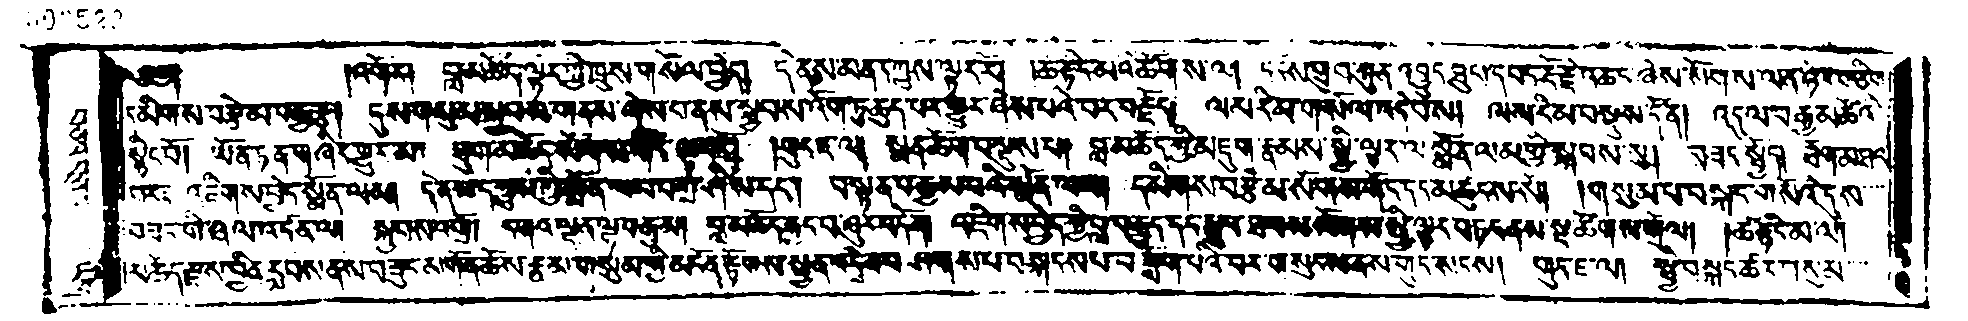༄༅། །འགོར། བླ་མཆོད་ལྟར་གྱི་ཁྲུས་གསོལ་བྱེད། དེ་ནས་མན་དཀྱུས་ལྟར་རོ། །ཚ་རྟིང་མའི་ཚོགས་ལ། དངོས་གྲུབ་ཀུན་འབྱུང་ཐུབ་དབང་རྡོ་རྗེ་འཆང་ཞེས་སོགས་ལན་ཉེར་གཅིག་
དམིགས་བརྩེ་མ་བརྒྱ་རྩ། དུས་གསུམ་སྐྱབས་གནས་ཞེས་པ་ནས་སྐྱབས་འོག་ཏུ་ཆུད་པར་གྱུར་ཞེས་པའི་བར་བརྗོད། ལམ་རིམ་གསོལ་འདེབས། ལམ་རིམ་བསྡུས་དོན། འདུལ་བ་རྒྱ་མཚོའི་
སྙིང་པོ། ཡོན་ཏན་གཞིར་གྱུར་མ། ཐུག་མཆོད་སོགས་གོང་ལྟར་རོ། །གུང་ཇ་ལ། སྨན་ཆོག་བསྡུས་པ། བླ་མཆོད་ཀྱི་མཇུག་རྣམས་སྤྱི་ལྟར་ལ་སྨོན་ལམ་གྱི་སྐབས་སུ། བཟང་སྤྱོད། ཐོག་མཐའ་
བར༑ འཇིགས་བྱེད་སྨོན་ལམ། དེ་ནས་དཀྱུས་ཀྱི་སྨོན་ལམ་བཀྲ་ཤིས་དང་། བསྟན་པ་རྒྱས་པའི་སྨོན་ལམ། དམིགས་བརྩེ་མ་སོགས་གོང་དང་མཚུངས་སོ། །གསུམ་པ་བསྐང་གསོའི་དུས་
བཟང་གི་ཞལ་འདོན་ལ། སྐྱབས་འགྲོ། དགའ་ལྡན་ལྷ་བརྒྱ་མ། བླ་མཆོད་རྐྱང་བ་ཞུར་འདོན། འཇིགས་བྱེད་ཀྱི་བླ་བརྒྱུད་དང་སྒྲུབ་ཐབས་སོགས་སྤྱི་ལྟར་བཏང་ནས་སྔ་ཚོགས་གྲོལ། །ཚ་རྟིང་མ་ལ།
མཆོད་རྫས་བྱིན་རླབས་ནས་བཟུང་མགོན་ཆོས་རྣམ་གསུམ་གྱི་མངོན་རྟོགས་སྤྱན་འདྲེན་བཤགས་པ་བསྐངས་པ་བཟློག་པའི་བར་གསུངས་ནས་གུང་སངས། གུང་ཇ་ལ། སྤྱི་བསྐང་ཚར་གསུམ་